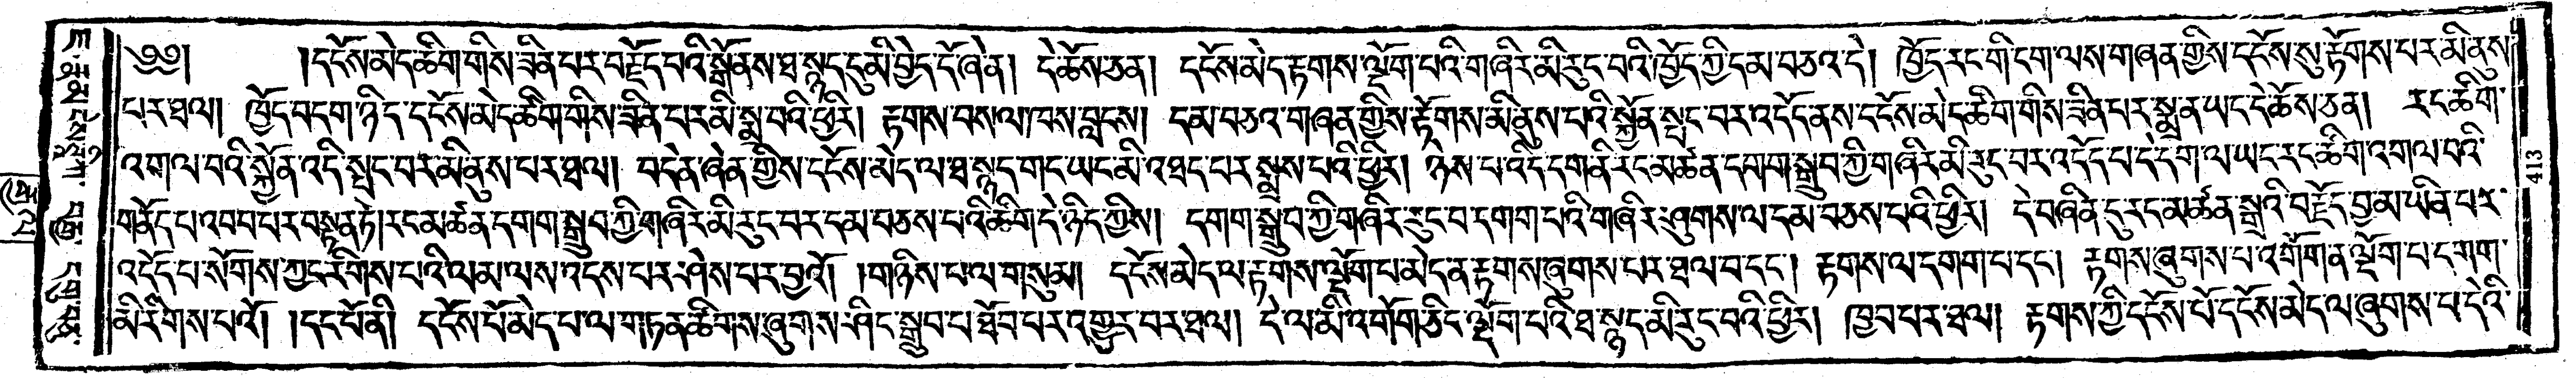༄༅། །དངོས་མེད་ཚིག་གིས་ཟིན་པར་བརྗོད་པའི་སྒོ་ནས་ཐ་སྙད་དུ་མི་བྱེད་དོ་ཞེ་ན། དེ་ཆོས་ཅན། དངོས་མེད་རྟགས་ལྡོག་པའི་གཞིར་མི་རུང་བའི་ཁྱོད་ཀྱི་དམ་བཅའ་དེ། ཁྱོད་རང་གི་ངག་ལས་གཞན་གྱིས་དངོས་སུ་རྟོགས་པར་མི་ནུས་
པར་ཐལ། ཁྱོད་བདག་ཉིད་དངོས་མེད་ཚིག་གིས་ཟིན་པར་མི་སྨྲ་བའི་ཕྱིར། རྟགས་བསལ་ཁས་བླངས། དམ་བཅའ་གཞན་གྱིས་རྟོགས་མི་ནུས་པའི་སྐྱོན་སྤང་བར་འདོད་ནས་དངོས་མེད་ཚིག་གིས་ཟིན་པར་སྨྲ་ན་ཡང་དེ་ཆོས་ཅན། རང་ཚིག་
འགལ་བའི་སྐྱོན་འདི་སྤང་བར་མི་ནུས་པར་ཐལ། བདེན་ཞེན་གྱིས་དངོས་མེད་ལ་ཐ་སྙད་གང་ཡང་མི་འཐད་པར་སྨྲས་པའི་ཕྱིར། ཉེས་པ་འདི་དག་ནི་རང་མཚན་དགག་སྒྲུབ་ཀྱི་གཞིར་མི་རུང་བར་འདོད་པ་དེ་དག་ལ་ཡང་རང་ཚིག་འགལ་བའི་
གནོད་པ་འབབ་པར་བསྟན་ཏེ། རང་མཚན་དགག་སྒྲུབ་ཀྱི་གཞིར་མི་རུང་བར་དམ་བཅས་པའི་ཚིག་དེ་ཉིད་ཀྱིས། དགག་སྒྲུབ་ཀྱི་གཞིར་རུང་བ་དགག་པའི་གཞིར་ཤུགས་ལ་དམ་བཅས་པའི་ཕྱིར། དེ་བཞིན་དུ་རང་མཚན་སྒྲའི་བརྗོད་བྱ་མ་ཡིན་པར་
འདོད་པ་སོགས་ཀྱང་རིགས་པའི་ལམ་ལས་འདས་པར་ཤེས་པར་བྱའོ། །གཉིས་པ་ལ་གསུམ། དངོས་མེད་ལ་རྟགས་ལྡོག་པ་མེད་ན་རྟགས་ཞུགས་པར་ཐལ་བ་དང་། རྟགས་ལ་དགག་པ་དང་། རྟགས་ཞུགས་པ་འགོག་ན་ལྡོག་པ་དགག་
མི་རིགས་པའོ། །དང་པོ་ནི། དངོས་པོ་མེད་པ་ལ་གཏན་ཚིགས་ཞུགས་ཤིང་སྒྲུབ་པ་ཐོབ་པར་འགྱུར་བར་ཐལ། དེ་ལ་མི་འགོག་ཅིང་ལྡོག་པའི་ཐ་སྙད་མི་རུང་བའི་ཕྱིར། ཁྱབ་པར་ཐལ། རྟགས་ཀྱི་དངོས་པོ་དངོས་མེད་ལ་ཞུགས་པ་དེའི་